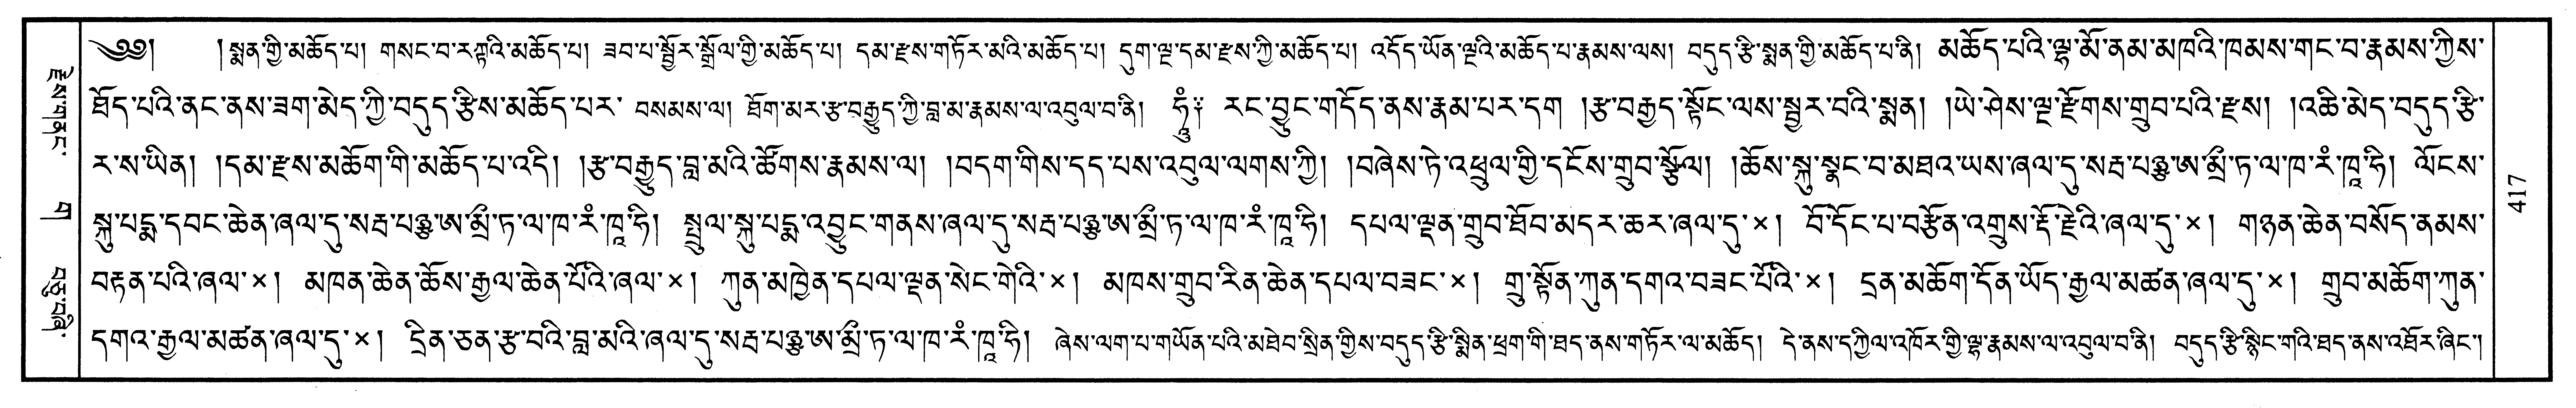༄༅། །སྨན་གྱི་མཆོད་པ། གསང་བ་རཀྟའི་མཆོད་པ། ཟབ་པ་སྦྱོར་སྒྲོལ་གྱི་མཆོད་པ། དམ་རྫས་གཏོར་མའི་མཆོད་པ། དུག་ལྔ་དམ་རྫས་ཀྱི་མཆོད་པ། འདོད་ཡོན་ལྔའི་མཆོད་པ་རྣམས་ལས། བདུད་རྩི་སྨན་གྱི་མཆོད་པ་ནི། མཆོད་པའི་ལྷ་མོ་ནམ་མཁའི་ཁམས་གང་བ་རྣམས་ཀྱིས་
ཐོད་པའི་ནང་ནས་ཟག་མེད་ཀྱི་བདུད་རྩིས་མཆོད་པར། བསམས་ལ། ཐོག་མར་རྩ་བརྒྱུད་ཀྱི་བླ་མ་རྣམས་ལ་འབུལ་བ་ནི། ཧཱུཾ། རང་བྱུང་གདོད་ནས་རྣམ་པར་དག །རྩ་བརྒྱད་སྟོང་ལས་སྦྱར་བའི་སྨན། །ཡེ་ཤེས་ལྔ་རྫོགས་གྲུབ་པའི་རྫས། །འཆི་མེད་བདུད་རྩི་
ར་ས་ཡིན། །དམ་རྫས་མཆོག་གི་མཆོད་པ་འདི། །རྩ་བརྒྱུད་བླ་མའི་ཚོགས་རྣམས་ལ། །བདག་གིས་དད་པས་འབུལ་ལགས་ཀྱི། །བཞེས་ཏེ་འཕྲུལ་གྱི་དངོས་གྲུབ་སྩོལ། །ཆོས་སྐུ་སྣང་བ་མཐའ་ཡས་ཞལ་དུ་སརྦ་པཉྩ་ཨ་མྲྀ་ཏ་ལ་ཁ་རཾ་ཁཱ་ཧི། ལོངས་
སྐུ་པདམ་དབང་ཆེན་ཞལ་དུ་སརྦ་པཉྩ་ཨ་མྲྀ་ཏ་ལ་ཁ་རཾ་ཁཱ་ཧི། སྤྲུལ་སྐུ་པདམ་འབྱུང་གནས་ཞལ་དུ་སརྦ་པཉྩ་ཨ་མྲྀ་ཏ་ལ་ཁ་རཾ་ཁཱ་ཧི། དཔལ་ལྡན་གྲུབ་ཐོབ་མདར་ཆར་ཞལ་དུ་྾། བོ་དོང་པ་བརྩོན་འགྲུས་རྡོ་རྗེའི་ཞལ་དུ་྾། གཉན་ཆེན་བསོད་ནམས་
བརྟན་པའི་ཞལ་྾། མཁན་ཆེན་ཆོས་རྒྱལ་ཆེན་པོའི་ཞལ་྾། ཀུན་མཁྱེན་དཔལ་ལྡན་སེང་གེའི་྾། མཁས་གྲུབ་རིན་ཆེན་དཔལ་བཟང་྾། གྲུ་སྟོན་ཀུན་དགའ་བཟང་པོའི་྾། དྲན་མཆོག་དོན་ཡོད་རྒྱལ་མཚན་ཞལ་དུ་྾། གྲུབ་མཆོག་ཀུན་
དགའ་རྒྱལ་མཚན་ཞལ་དུ་྾། དྲིན་ཅན་རྩ་བའི་བླ་མའི་ཞལ་དུ་སརྦ་པཉྩ་ཨ་མྲྀ་ཏ་ལ་ཁ་རཾ་ཁཱ་ཧི། ཞེས་ལག་པ་གཡོན་པའི་མཐེབ་སྲིན་གྱིས་བདུད་རྩི་སྨིན་ཕྲག་གི་ཐད་ནས་གཏོར་ལ་མཆོད། དེ་ནས་དཀྱིལ་འཁོར་གྱི་ལྷ་རྣམས་ལ་འབུལ་བ་ནི། བདུད་རྩི་སྙིང་གའི་ཐད་ནས་འཐོར་ཞིང་།